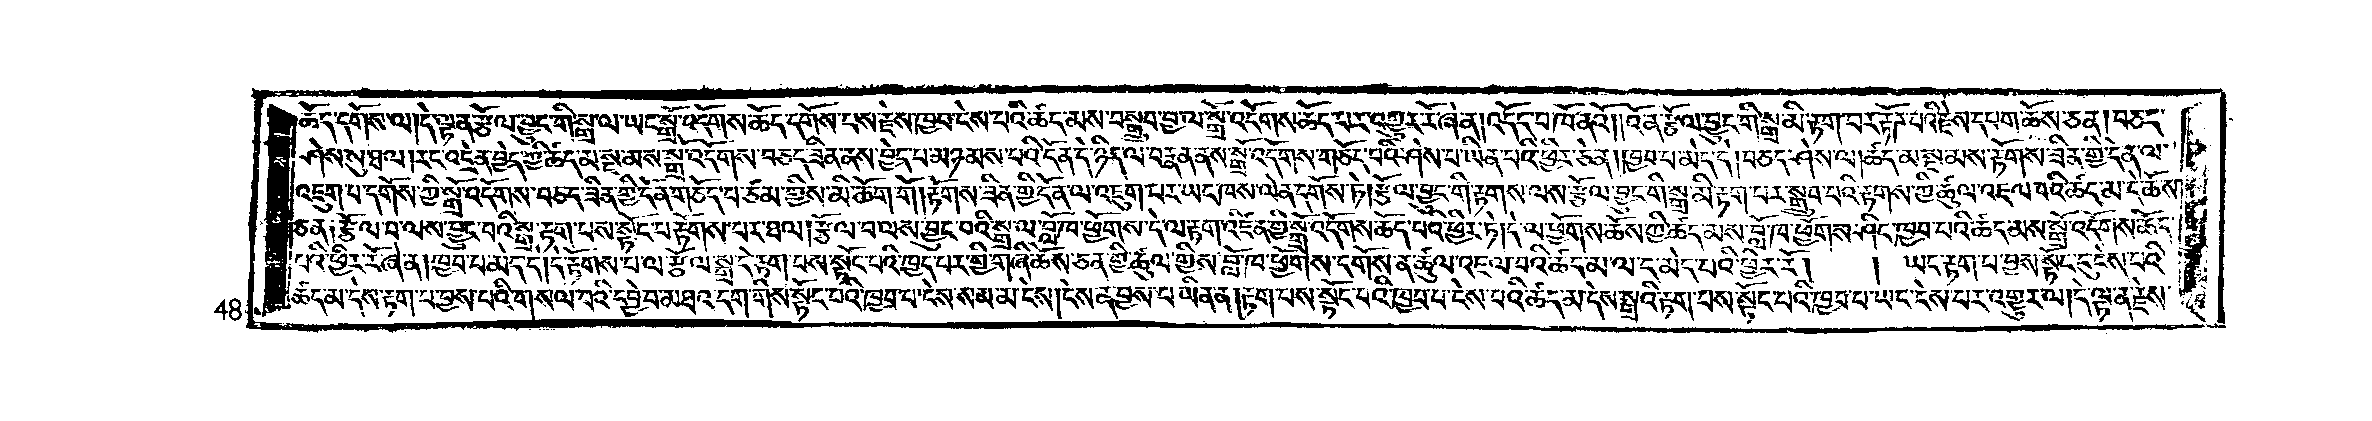ཆོད་དགོས་ལ། དེ་ལྟ་ན་རྩོལ་བྱུང་གི་སྒྲ་ལ་ཡང་སྒྲོ་འདོགས་ཆོད་དགོས་པས་རྗེས་ཁྱབ་ངེས་པའི་ཚད་མས་བསྒྲུབ་བྱ་ལ་སྒྲོ་འདོགས་ཆོད་པར་འགྱུར་རོ་ཞེ་ན། འདོད་པ་ཁོ་ནའོ། །འོ་ན་རྩོལ་བྱུང་གི་སྒྲ་མི་རྟག་པར་རྟོཌ་?་པའི་རྗེས་དཔག་ཆོས་ཅན། བཅད་
ཤེས་སུ་ཐལ། རང་འདྲེན་བྱེད་ཀྱི་ཚད་མ་སྔ་མས་སྒྲོ་འདོགས་བཅད་ཟིན་ནས་བྱེད་པ་མཉམས་པའི་དོན་དེ་ཉིད་ལ་བརྣན་ནས་སྒྲོ་འདོགས་གཅོད་པའི་ཤེས་པ་ཡིན་པའི་ཕྱིར་ཅེ་ན། ཁྱབ་པ་མེད་དེ། བཅད་ཤེས་ལ། ཚད་མ་སྔ་མས་རྟོགས་ཟིན་གྱི་དོན་ལ་
འཇུག་པ་དགོས་ཀྱི་སྒྲོ་འདོགས་བཅད་ཟིན་གྱི་དོན་གཅོད་པ་ཙམ་གྱིས་མི་ཆོག་གོ། རྟོགས་ཟིན་གྱི་དོན་ལ་འཇུག་པར་ཡང་བས་ལེན་དགོས་ཏེ། རྩོལ་བྱུང་གི་རྟགས་ལས་རྩོལ་བྱུང་གི་སྒྲ་མི་རྟག་པར་སྒྲུབ་པའི་རྟགས་ཀྱི་ཚལ་འཇལ་བའི་ཚད་མ་དེ་ཆོས་
ཅན། རྩོལ་བ་ལས་བྱུང་བའི་སྒྲ་རྟག་པས་སྟོང་པ་རྟོགས་པར་ཐལ། རྩོལ་བ་ལས་བྱུང་བའི་སྒྲ་ལ་བློ་ཁ་ཕྱོགས་དེ་ལ་རྟག་འཛིན་གྱི་སྒྲོ་འདོགས་ཆོད་པའི་ཕྱིར་ཏེ། དེ་ལ་ཕྱོགས་ཆོས་ཀྱི་ཚད་མས་བློ་ཁ་ཕྱོགས་ཤིང་ཁྱབ་པའི་ཚད་མས་སྒྲོ་འདོགས་ཆོད་
པའི་ཕྱིར་རོ་ཞེ་ན། ཁྱབ་པ་མེད་དེ། དེ་རྟོགས་པ་ལ་རྩོལ་སྒྲ་དེ་རྟག་པས་སྟོང་པའི་ཁྱད་པར་གྱི་གཞི་ཆོས་ཅན་གྱི་ཚུལ་གྱིས་བློ་ཁ་ཕྱོགས་དགོས་ན་ཚུལ་འཇལ་བའི་ཚད་མ་ལ་དེ་མེད་པའི་ཕྱིར་རོ། །ཡང་རྟག་པ་བྱས་སྟོང་དུ་ངེས་པའི་
ཚད་མ་དེས་རྟག་པ་བྱས་པའི་གསལ་བའི་དབྱེ་བ་མཐའ་དག་གིས་སྟོང་པའི་ཁྱབ་པ་ངེས་སམ་མ་ངེས། ངེས་ན་བྱས་པ་ཡིན་ན། རྟག་པས་སྟོང་པའི་ཁྱབ་པ་ངེས་པའི་ཚད་མ་དེས་སྒྲའི་རྟག་པས་སྟོང་པའི་ཁྱབ་པ་ཡང་ངེས་པར་འགྱུར་ལ། དེ་ལྟ་ན་རྗེས་